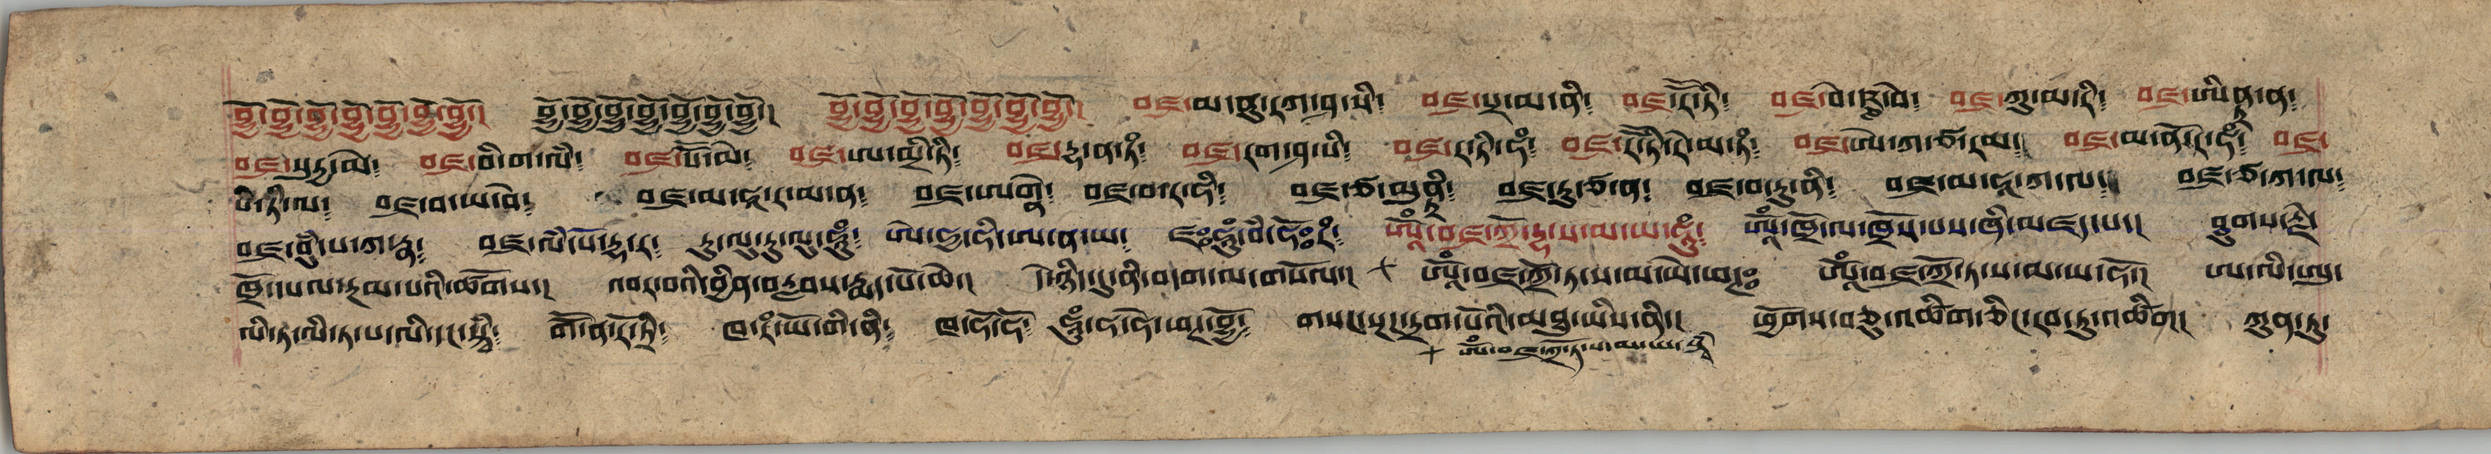བྷྱོ་བྷྱོ་བྷྱོ་བྷྱོ་བྷྱོ་བྷྱོ་བྷྱོ་། བྷྱོ་བྷྱོ་བྷྱོ་བྷྱོ་བྷྱོ་བྷྱོ་བྷྱོ་། བྷྱོ་བྷྱོ་བྷྱོ་བྷྱོ་བྷྱོ་བྷྱོ་བྷྱོ་། བཛྲ་མ་ནུ་རཀ་ཤ་སི་ བཛྲ་པྲ་མ་ནི༴ བཛྲ་རཽ་ཏི༴ བཛྲ་བི་ཥྞ་སེ༴ བཛྲ་ཀུ་མ་རི༴ བཛྲ་ཨིནྟ་ན༴
བཛྲ་སུརྱ་མེ༴ བཛྲ་བི་ག་ལཾ༴ བཛྲ་སཽ་མེ༴ བཛྲ་ཨ་མྲི་ཏི༴ བཛྲ་དྷ་ན་ཏཾ༴ བཛྲ་རག་ཤ་སི༴ བཛྲ་ར་ཏི་ཧཾ༴ བཛྲ་རཽ་ཏི་རེ་མ་ཏཾ༴ བཛྲ་ཨེ་ཀ་ཙ་རམ༴ བཛྲ་མ་ནོ་ར་ཧཾ༴ བཛྲ་
པི་ཏི་ལ༴ བཛྲ་བ་ཡ་བེ༴ བཛྲ་མ་ཧཱ་ར་མ་ན༴ བཛྲ་ཨགྣེ༴ བཛྲ་བ་ར་ཧི༴ བཛྲ་ཙ་མུནྟི༴ བཛྲ་རུ་ཙ་ན༴ བཛྲ་བ་རུ་ནི༴ བཛྲ་མ་ཧཱ་ཀ་ལ༴ བཛྲ་ཙ་ཀ་ལ༴
བཛྲ་བུཾ་པ་ཀ་རྣ༴ བཛྲ་ལཾ་པོ་དྷ་ར༴ རུ་ལུ་རུ་ལུ་ཧཱུཾ༴ ཨེ་ཧྱ་ཧི་ཨ་ན་ཡ༴ ཛཿཧཱུཾ་བཾ་ཧོཿརཾ༴ ཨཱོཾ་བེཛྲ་ཀྲོ་དྷ་ས་མ་ཡ་ཧཱུཾ༴ ཨཱོཾ་ཁྲོ་ལ་ཁྲོས་པས་ཞི་མཛད་པ་། ཐུགས་རྗེ་
ཁྲོ་དཔལ་རྔམ་པའི་ཚོགས་། འབར་བའི་བྱིན་བརླབས་རྨད་པོ་ཆེ་། དེ་ཉིད་དུ་ནི་བདག་ལ་གསོལ་། ཨཱོཾ་བཛྲ་ཀྲོ་ཏ་ས་མ་ཡེ་ཕཊཿ ཨཱོཾ་བཛྲ་ཀྲོ་ཏ་ས་མ་ཡ་ཧོ་། ཨ་ལི་ཨུ་
ལི་ཏ་ལི་ཏ་པ་ལི་དང་སྟྭི༴ གཽ་ན་རོ་ཏྲི༴ ཁ་རཾ་ཡོ་གི་ནི༴ ཁ་ཧོ་ཧོ༴ ཧཱུཾ་ཧ་ཧོ་ཕཊ་བྷྱོ༴ གསང་སྔཌ་དྲག་པོའི་མཐུ་ཡིས་ནི་། ཕྱོགས་བཅུ་འཚིག་ཅིང་རབ་ཏུ་འཚིག། ཀུན་ཏུ་